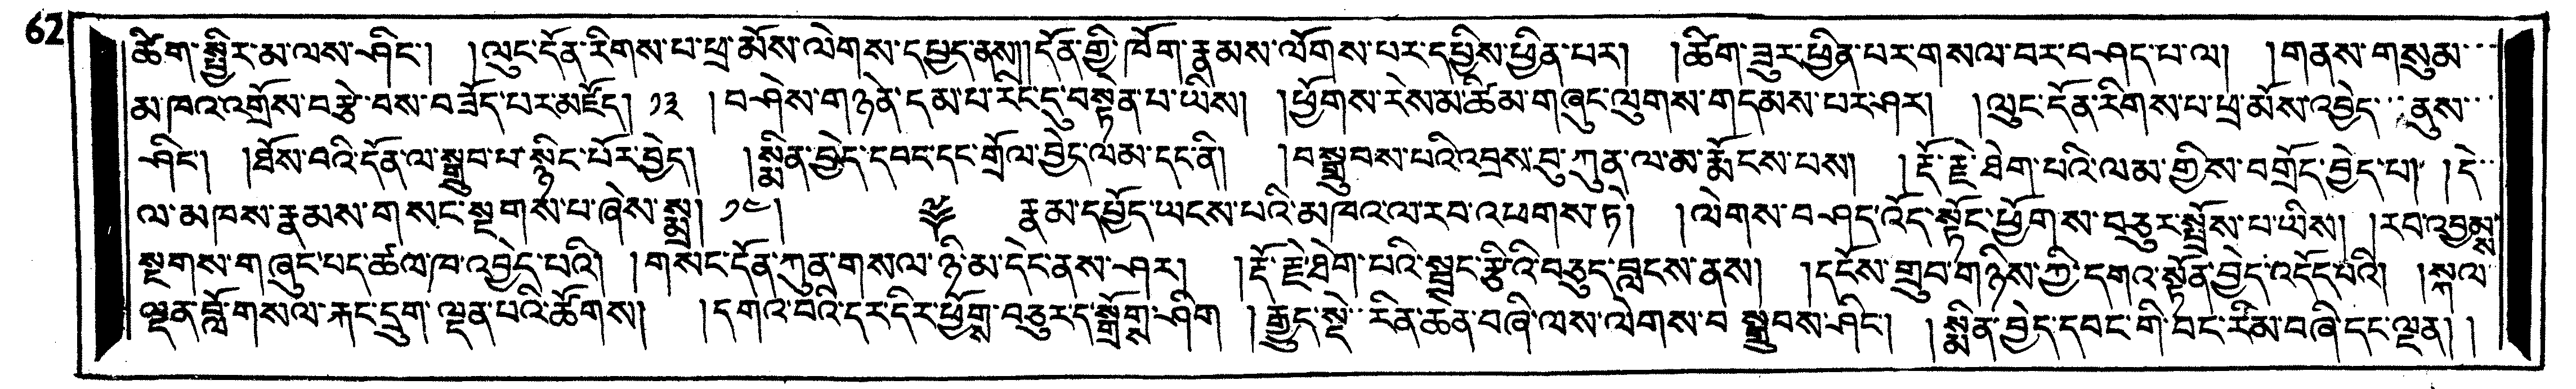ཚིག་སྤྱིར་མ་ལས་ཤིང་། །ལུང་དོན་རིགས་པ་ཕྲ་མོས་ལེགས་དཔྱད་ནས། །དོན་གྱི་ཁོག་རྣམས་ལོགས་པར་དཔྱིས་ཕྱིན་པར། །ཚིག་ཟུར་ཕྱིན་པར་གསལ་བར་བཤད་པ་ལ། །གནས་གསུམ་
མཁའ་འགྲོས་བརྩེ་བས་བཟོད་པར་མཛོད། ༡༣་།བཤེས་གཉེན་དམ་པ་རིང་དུ་བསྟེན་པ་ཡིས། །ཕྱོགས་རེས་མ་ཚིམ་གཞུང་ལུགས་གདམས་པར་ཤར། །ལུང་དོན་རིགས་པ་ཕྲ་མོས་འབྱེད་ནུས་
ཤིང་། །ཐོས་བའི་དོན་ལ་སྒྲུབ་པ་སྙིང་པོར་བྱེད། །སྨིན་བྱེད་དབང་དང་གྲོལ་བྱེད་ལམ་དང་ནི། །བསྒྲུབས་པའི་འབྲས་བུ་ཀུན་ལ་མ་རྨོངས་པས། །རྡོ་རྗེ་ཐེག་པའི་ལམ་གྱིས་བགྲོད་བྱེད་པ། །དེ་
ལ་མཁས་རྣམས་གསང་སྔགས་པ་ཞེས་སྨྲ། ༡༤། ༈ རྣམ་དཔྱོད་ཡངས་པའི་མཁའ་ལ་རབ་འཕགས་ཏེ། །ལེགས་བཤད་འོད་སྟོང་ཕྱོགས་བཅུར་སྤྲོས་པ་ཡིས། །རབ་འབྱམས་
སྔགས་གཞུང་པད་ཚལ་ཁ་འབྱེད་པའི། །གསང་དོན་ཀུན་གསལ་ཉི་མ་དེང་ནས་ཤར། །རྡོ་རྗེ་ཐེག་པའི་སྦྲང་རྩིའི་བཅུད་བླངས་ནས། །དངོས་གྲུབ་གཉིས་ཀྱི་དགའ་སྟོན་བྱེད་འདོད་པའི། །སྐལ་
ལྡན་བློ་གསལ་རྐང་དྲུག་ལྡན་པའི་ཚོགས། །དགའ་བའི་དར་དིར་ཕྱོགས་བཅུར་ད་སྒྲོགས་ཤིག །རྒྱུད་སྡེ་རིན་ཆེན་བཞི་ལས་ལེགས་བསྒྲུབས་ཤིང་། །སྨིན་བྱེད་དབང་གི་བང་རིམ་བཞི་དང་ལྡན། །